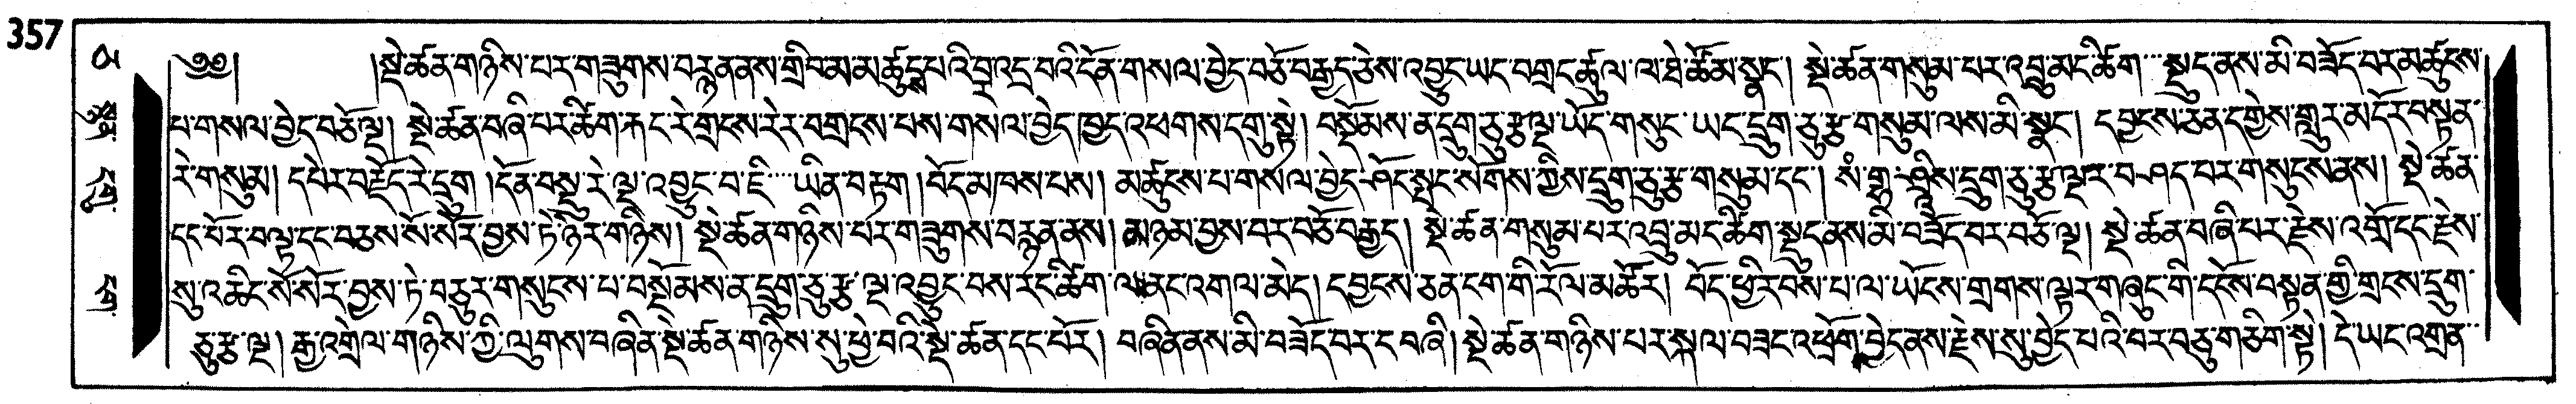༄༅། །སྡེ་ཚན་གཉིས་པར་གཟུགས་བརྙན་ནས་གྲིབ་མ་མཚུངས་པའི་བར་འདྲ་བའི་དོན་གསལ་བྱེད་བཅོ་བརྒྱད་ཅེས་འབྱུང་ཡང་བགྲང་ཚུལ་ལ་ཐེ་ཚོམ་སྣང་། སྡེ་ཚན་གསུམ་པར་འབྲུ་མང་ཚིག་་་སྡུད་ནས་མི་བཟོད་པར་མཚུངས་
པ་གསལ་བྱེད་བཅོ་ལྔ། སྡེ་ཚན་བཞི་པར་ཚིག་རྐང་རེ་གྲངས་རེར་བགྲངས་པས་གསལ་བྱེད་ཁྱད་འཕགས་དགུ་སྟེ། བདོམས་ན་དྲུག་ཅུ་རྩ་ལྔ་ཡོད་གསུང་ཡང་དྲུག་ཅུ་རྩ་གསུམ་ལས་མི་སྣང་། དབྱངས་ཅན་དགྱེས་གླུར་མདོར་བསྟན་
རེ་གསུམ། །དཔེར་བརྗོད་རེ་དྲུག །དོན་བསྡུ་རེ་ལྔ་འབྱུང་བ་ཇི་་་་ཡིན་བརྟག །བོད་མཁས་པས། །མཚུངས་པ་གསལ་བྱེད་ཤོང་སྤངས་སོགས་ཀྱི་དྲུག་ཅུ་རྩ་གསུམ་དང་། སཾ་གྷ་ཤྲཱི་དྲུག་ཅུ་རྩ་ལྔར་བཤད་པར་གསུངས་ནས། སྡེ་ཚན་
དང་པོར་བལྟ་དང་བཅས་སོ་སོར་བྱས་ཏེ་ཉེར་གཉིས། སྡེ་ཚན་གཉིས་པར་གཟུགས་བརྙན་ནས། མཉམ་བྱས་བར་བཅོ་བརྒྱད། སྡེ་ཚན་གསུམ་པར་འབྲུ་མང་ཚིག་སྡུད་ནས་མི་བཟོད་བར་བཅོ་ལྔ། སྡེ་ཚན་བཞི་པར་རྗེས་འགྲོ་དང་རྗེས་
སུ་འཆིང་སོ་སོར་བྱས་ཏེ་བཅུར་གསུངས་པ་སྔོམས་ན་དྲུག་ཅུ་རྩ་ལྔ་འབྱུང་བས་རང་ཚིག་ལ་ནང་འགལ་མེད། དབྱངས་ཅན་ངག་གི་རོལ་མཚོར། བོད་ཕྱིར་བས་པ་ལ་ཡོངས་གྲགས་ལྟར་གཞུང་གི་དངོས་བསྟན་གྱི་གྲངས་དྲུག་
ཅུ་རྩ་ལྔ། རྒྱ་འགྲེལ་གཉིས་ཀྱི་ལུགས་བཞིན་སྡེ་ཚན་གཉིས་སུ་ཕྱེ་བའི་སྡེ་ཚན་དང་པོར། བཞིན་ནས་མི་བཟོད་བར་ང་བཞི། སྡེ་ཚན་གཉིས་པར་སྐལ་བཟང་འཕྲོག་བྱེད་ནས་རྗེས་སུ་བྱེད་པའི་བར་བཅུ་གཅིག་སྟེ། དེ་ཡང་འགྲན་